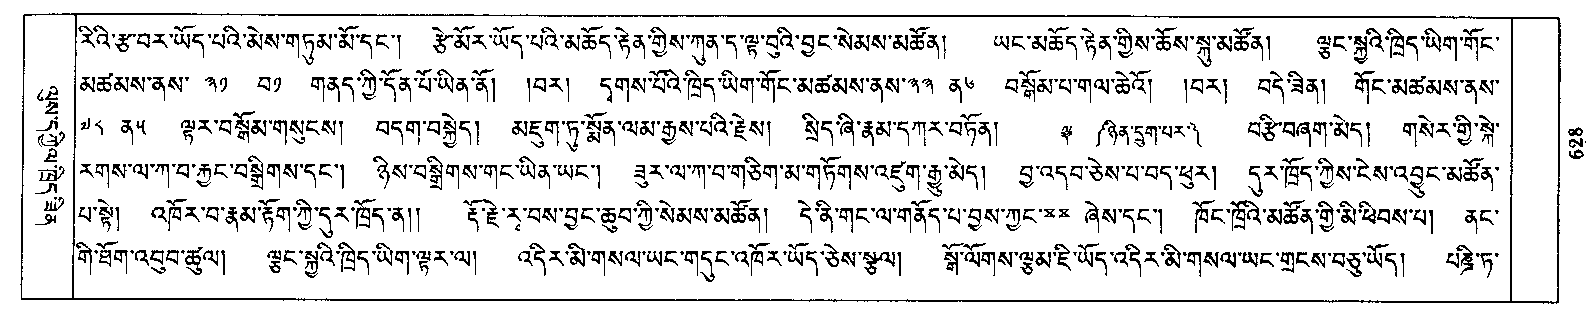རིའི་རྩ་བར་ཡོད་པའི་མེས་གཏུམ་མོ་དང་། རྩེ་མོར་ཡོད་པའི་མཆོད་རྟེན་གྱིས་ཀུན་ད་ལྟ་བུའི་བྱང་སེམས་མཚོན། ཡང་མཆོད་རྟེན་གྱིས་ཆོས་སྐུ་མཚོན། ལྕང་སྐྱའི་ཁྲིད་ཡིག་གོང་
མཚམས་ནས ༣༡་བ ༡་གནད་ཀྱི་དོན་པོ་ཡིན་ནོ། །བར། དྭགས་པོའི་ཁྲིད་ཡིག་གོང་མཚམས་ནས ༣༣་ན ༦་བསྒོམ་པ་གལ་ཆེའོ། །བར། བདེ་ཟིན། གོང་མཚམས་ནས་
༧༨་ན ༥་ལྟར་བསྒོམ་གསུངས། བདག་བསྐྱེད། མཇུག་ཏུ་སྨོན་ལམ་རྒྱས་པའི་རྗེས། སྲིད་ཞི་རྣམ་དཀར་བཏོན། ༈ ཉིན་དྲུག་པར྄་བརྩི་བཞག་མེད། གསེར་གྱི་སྐེ་
རགས་ལ་ཀ་བ་རྐྱང་བསྒྲིགས་དང་། ཉིས་བསྒྲིགས་གང་ཡིན་ཡང་། ཟུར་ལ་ཀ་བ་གཅིག་མ་གཏོགས་འཛུག་རྒྱུ་མེད། བྱ་འདབ་ཅེས་པ་བད་ཕུར། དུར་ཁྲོད་ཀྱིས་ངེས་འབྱུང་མཚོན་
པ་སྟེ། འཁོར་བ་རྣམ་རྟོག་ཀྱི་དུར་ཁྲོད་ན།། རྡོ་རྗེ་རྭ་བས་བྱང་ཆུབ་ཀྱི་སེམས་མཚོན། དེ་ནི་གང་ལ་གནོད་པ་བྱས་ཀྱང་྾་྾་ཞེས་དང་། ཁོང་ཁྲོའི་མཚོན་གྱི་མི་ཕིབས་པ། ནང་
གི་ཐོག་འབུབ་ཚུལ། ལྕང་སྐྱའི་ཁྲིད་ཡིག་ལྟར་ལ། འདིར་མི་གསལ་ཡང་གདུང་འཁོར་ཡོད་ཅེས་སྩལ། སྒོ་ལོགས་ལྕམ་ཇི་ཡོད་འདིར་མི་གསལ་ཡང་གྲངས་བཅུ་ཡོད། པཎྜི་ཏ་